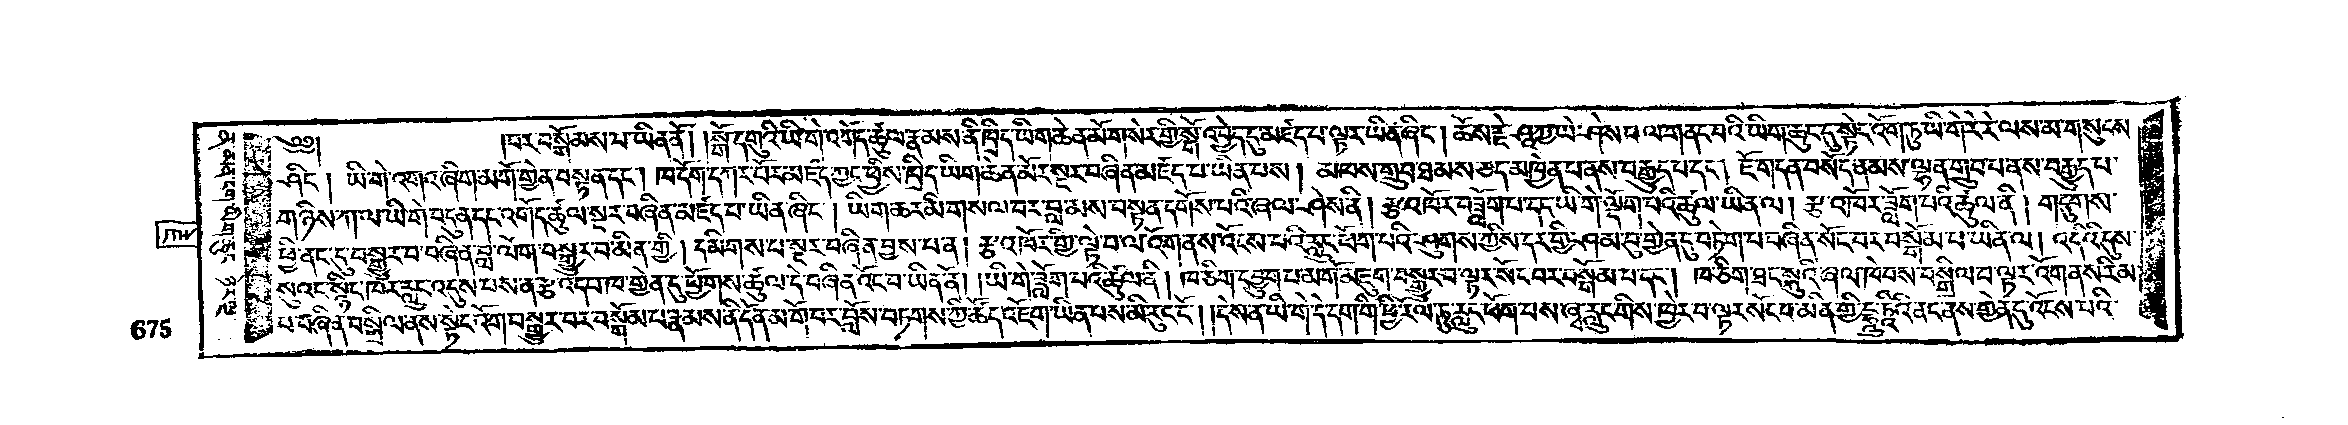༄༅། །བར་བསྒོམས་པ་ཡིན་ནོ། །སྒོ་དགུའི་ཡི་གེ་འགོད་ཚུལ་རྣམས་ནི་ཁྲིད་ཡིག་ཆེན་མོ་གསེར་གྱི་སྒོ་འབྱེད་དུ་མཛད་པ་ལྟར་ཡིན་ཞིང་། ཆོས་རྗེ་ཤཱཀྱ་ཡེ་ཤེས་པ་ལ་གནང་བའི་ཡིག་ཆུང་དུ་སྟེང་འོག་ཏུ་ཡི་གེ་རེ་རེ་ལས་མ་གསུངས་
ཤིང་། ཡི་གེ་འགའ་ཞིག་མགོ་གྱེན་བསྟན་དང་། ཁ་དོག་དཀར་པོར་མཛད་ཀྱང་ཕྱིས་ཁྲིད་ཡིག་ཆེན་མོར་སྔར་བཞིན་མཛད་པ་ཡིན་པས། མཁས་གྲུབ་ཐམས་ཅད་མཁྱེན་པ་ནས་བརྒྱུད་པ་དང་། ཇོ་གདན་བསོད་ནམས་ལྷན་གྲུབ་པ་ནས་བརྒྱུད་པ་
གཉིས་ཀ་ལ་ཡི་གེ་བདུན་དང་འགོད་ཚུལ་སྔར་བཞིན་མཛད་པ་ཡིན་ཞིང་། ཡིག་ཆར་མི་གསལ་བར་བླ་མས་བསྟན་དགོས་པའི་ཞལ་ཤེས་ནི། རྩ་འཁོར་བཟློག་པ་དང་ཡི་གེ་ལྡོག་པའི་ཚུལ་ཡིན་ལ། རྩ་འཁོར་ཟློག་པའི་ཚུལ་ནི། གདུགས་
ཕྱི་ནང་དུ་བསྒྱུར་བ་བཞིན་བླ་ལོག་བསྒྱུར་བ་མིན་གྱི། དམིགས་པ་སྔར་བཞིན་བྱས་པ་ན། རྩ་འཁོར་གྱི་ལྟེ་བ་ལ་འོག་ནས་འོངས་པའི་རླུང་ཕོག་པའི་ཤུགས་ཀྱིས་དར་གྱི་ཤམ་བུ་གྱེན་དུ་བཏེག་པ་བཞིན་སོང་བར་བསྒོམ་པ་ཡིན་ལ། འདིའི་དུས་
སུའང་སྙིང་ཁར་རླུང་འདུས་པས་ན་རྩ་འདབ་ཁ་གྱེན་དུ་ཕྱོགས་ཚུལ་དེ་བཞིན་འོང་བ་ཡིན་ནོ། །ཡི་གེ་ཟློག་པའི་ཚུལ་ནི། ཁ་ཅིག་དབྱུག་པ་མགོ་མཇུག་བསྒྱུར་བ་ལྟར་སོང་བར་བསྒོམ་པ་དང་། ཁ་ཅིག་ཐང་སྐུའི་ཞལ་ཁེབས་བསྒྲིལ་བ་ལྟར་འོག་ནས་རིམ་
པ་བཞིན་བསྒྲིལ་ནས་སྟེང་འོག་བསྒྱུར་བར་བསྒོམ་པ་རྣམས་ནི་དོན་མ་གོ་བར་བློས་བཏགས་ཀྱི་ཚོད་འཇོག་ཡིན་པས་མི་རུང་ངོ། །དེས་ན་ཡི་གེ་དེ་དག་གི་ཕྱི་རོལ་ཏུ་རླུང་ཕོག་པས་ཞྭ་རླུང་གིས་ཁྱེར་བ་ལྟར་སོང་བ་མིན་གྱི་དྷཱུ་ཏཱིའི་ནང་ནས་གྱེན་དུ་འོངས་པའི་